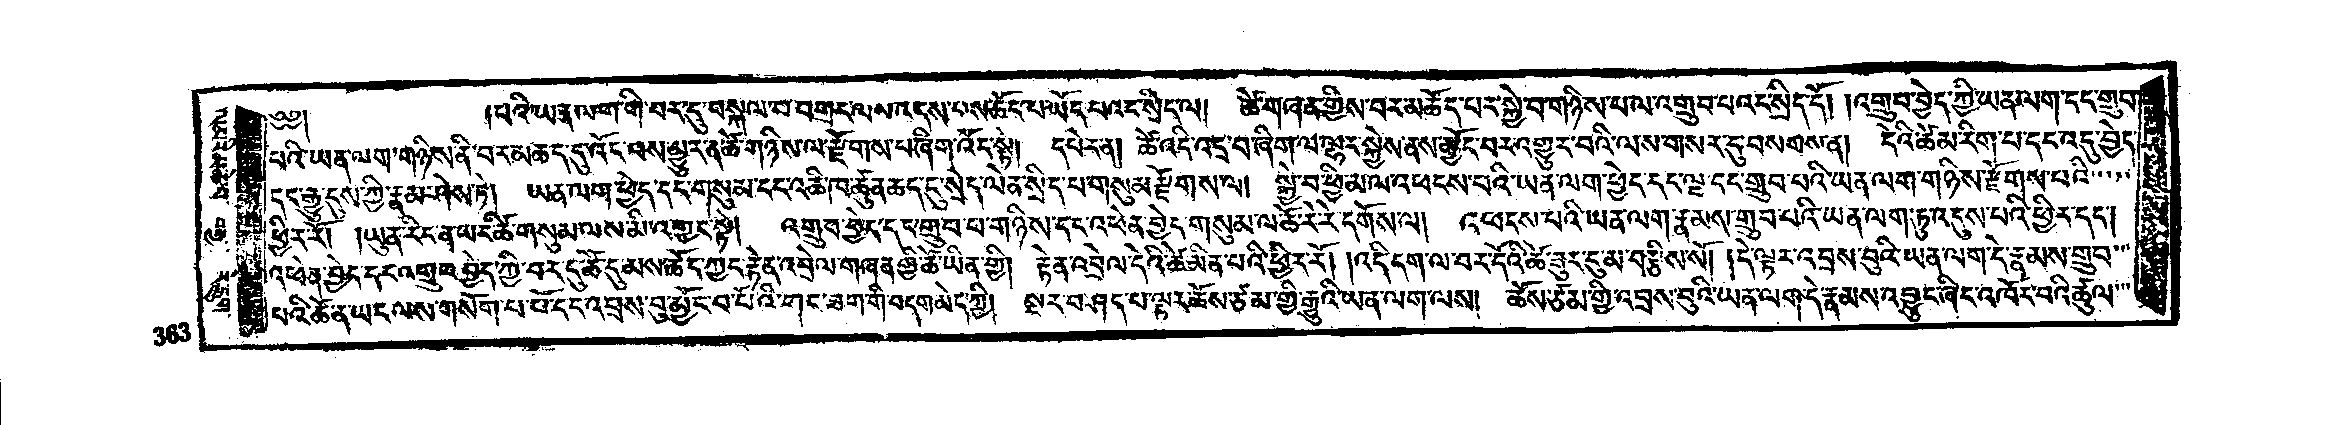༄༅། །པའི་ཡན་ལག་གི་བར་དུ་བསྐལ་པ་བགྲང་ལས་འདས་པས་ཆོད་པ་ཡོད་པའང་སྲིད་ལ། ཚེ་གཞན་གྱིས་བར་མཆོད་བར་སྐྱེ་བ་གཉིས་པ་ལ་འགྲུབ་པའང་སྲིད་དོ། །འགྲུབ་བྱེད་ཀྱི་ཡན་ལག་དང་གྲུབ་
པའི་ཡན་ལག་གཉིས་ནི་བར་མ་ཆད་དུ་འོང་བས་མྱུར་ན་ཚེ་གཉིས་ལ་རྫོགས་པ་ཞིག་འོང་སྟེ། དཔེར་ན། ཚེ་འདི་འདྲ་བ་ཞིག་ལ་ལྷར་སྐྱེས་ནས་མྱོང་བར་འགྱུར་བའི་ལས་གསར་དུ་བསགས་ན། དེའི་ཚེ་མ་རིག་པ་དང་འདུ་བྱེད་
དང་རྒྱུ་དུས་ཀྱི་རྣམ་ཤེས་ཏེ། ཡན་ལག་ཕྱེད་དང་གསུམ་དང་འཆི་ཁ་ཚུན་ཆད་དུ་སྲེད་ལེན་སྲིད་པ་གསུམ་རྫོགས་ལ། སྐྱེ་བ་ཕྱི་མ་ལ་འཕངས་པའི་ཡན་ལག་ཕྱེད་དང་ལྔ་དང་གྲུབ་པའི་ཡན་ལག་གཉིས་རྫོགས་པའི་
ཕྱིར་རོ། །ཡུན་རིང་ན་ཡང་ཚེ་གསུམ་ལས་མི་འགྱང་སྟེ། འགྲུབ་བྱེད་དང་གྲུབ་པ་གཉིས་དང་འཕེན་བྱེད་གསུམ་ལ་ཚེ་རེ་རེ་དགོས་ལ། འཕངས་པའི་ཡན་ལག་རྣམས་གྲུབ་པའི་ཡན་ལག་ཏུ་འདུས་པའི་ཕྱིར་དང་།
འཕེན་བྱེད་དང་འགྲུབ་བྱེད་ཀྱི་བར་དུ་ཚེ་དུ་མས་ཆོད་ཀྱང་རྟེན་འབྲེལ་གཞན་གྱི་ཚེ་ཡིན་གྱི། རྟེན་འབྲེལ་དེའི་ཚེ་མིན་པའི་ཕྱིར་རོ། །འདི་དག་ལ་བར་དོའི་ཚེ་ཟུར་དུ་མ་བརྩིས་སོ། །དེ་ལྟར་འབྲས་བུའི་ཡན་ལག་དེ་རྣམས་གྲུབ་
པའི་ཚེ་ན་ཡང་ལས་གསོག་པ་པོ་དང་འབྲས་བུ་མྱོང་བ་པོའི་གང་ཟག་གི་བདག་མེད་ཀྱི། སྔར་བཤད་པ་ལྟར་ཆོས་ཙམ་གྱི་རྒྱུའི་ཡན་ལག་ལས། ཆོས་ཙམ་གྱི་འབྲས་བུའི་ཡན་ལག་དེ་རྣམས་འབྱུང་ཞིང་འཁོར་བའི་ཚུལ་